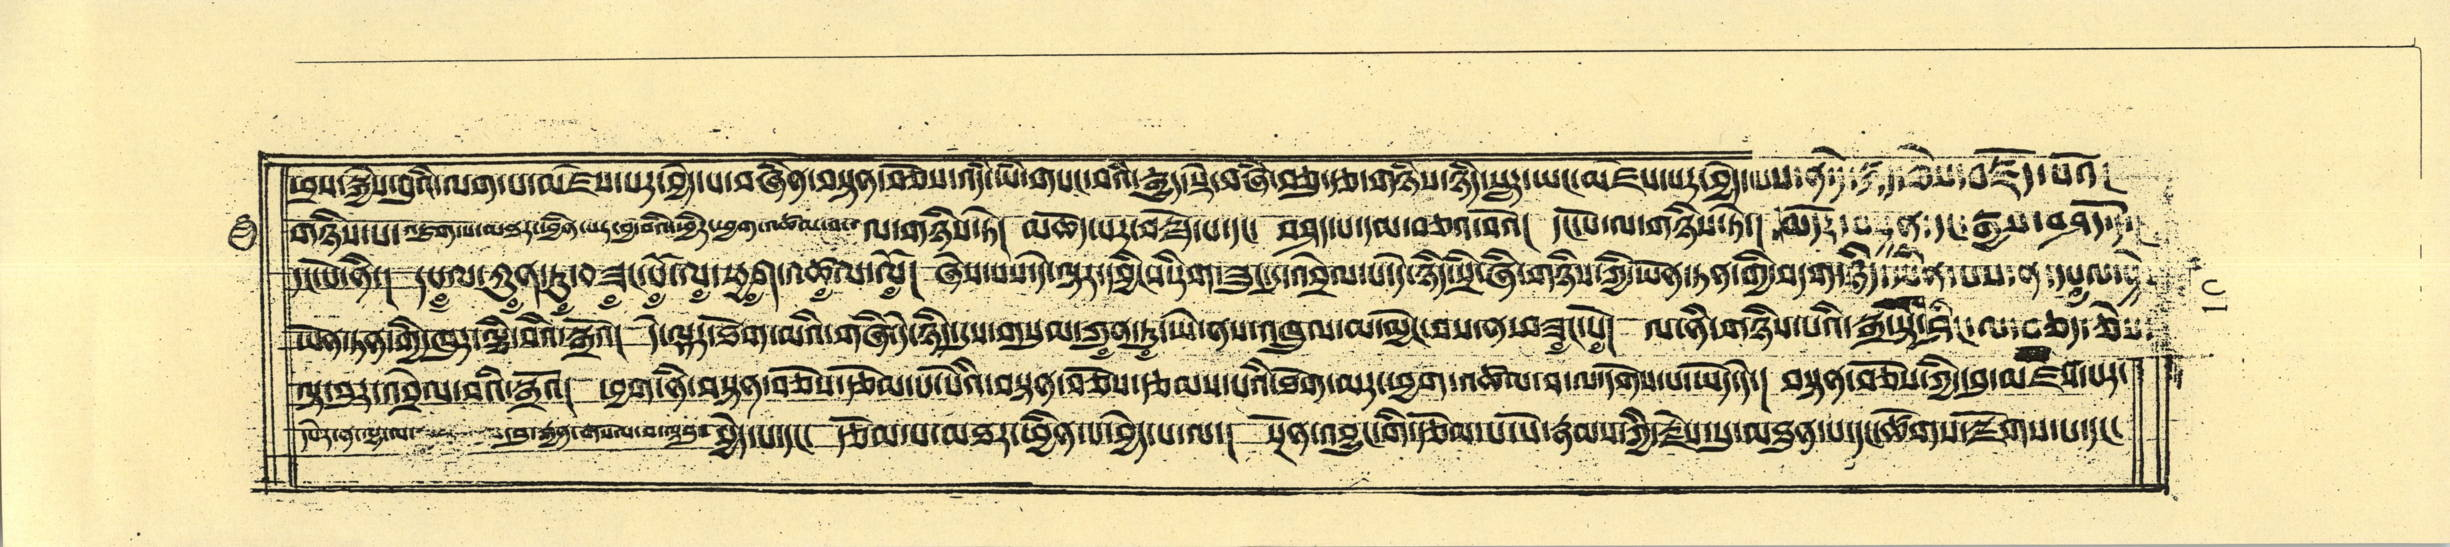ཕྲས་སྐྱེས་བུའི་ལག་པ་མཛེས་པར་བྱེད་པ་བཞིན་བསྟན་བཅོས་འདི་ཡི་གསང་བའི་རྒྱུད་སྡེ་བཞི་བཅུ་རྩ་གཉིས་ཉིད་སླར་ཡང་མཛེས་པར་བྱེད་པས་ན་དེ་སྐད་བརྗོད་པའོ། །
གཉིས་པ་འཇུག་པ་མཐར་ཕྱིན་པར་བྱ་བའི་ཕྱིར་ཕྱག་འཚལ་བ་ལགཉིས་ཏེ། མཆོད་པར་བརྗོད་པ་དང་། བཤད་པར་དམ་བཅའ་བའོ། །དང་པོ་ལ་གཉིས་ཏེ། མདོར་བསྟན་དང་རྒྱས་བཤད་དོ།
དང་པོ་ནི། དཔལ་ཀུན་ཏུ་བཟང་པོ་ལ་ཕྱག་འཚལ་ལོ། ཞེས་པ་དེ་ལྟར་དབྱིངས་རིག་ཟུང་དུ་འབྲེལ་པ་དེ་ཉིད་སྲིད་ཞི་གཉིས་ཀྱི་ཡོན་ཏན་གྱི་བདག་ཉིད་ཡིན་པས་ན་དཔལ་ཏེ་
ཡོན་ཏན་གྱི་ཁུར་ལྕི་བའི་སྒྲའོ། །དེ་ལྟར་ཐོག་མའི་གཞི་དེ་ཉིད་དུས་གསུམ་ཀུན་ཏུ་ཡེ་ནས་འཁྲུལ་མ་མྱོང་བས་ན་བཟང་པོ། ལ་ནི་གཉིས་པའི་སྒྲ་སྟེ་ཤིང་ལ་བཅད་ཅེས་པ་
ལྟ་བུར་འབྲེལ་བའི་སྒྲའོ། །ཕྱག་ནི་བསྟན་བཅོས་རྩོམ་པ་པོས་བསྟན་བཅོས་བརྩམས་པའི་ཕྱག་འཚལ་བ་ལ་དགོས་པ་ཡོད་དེ། བསྟན་བཅོས་ཀྱི་དབུ་འཛིན་པར་
དཔེར་ན་ལྷ་ལ་དབུ་རྒྱན་གསོལ་བ་ལྟ་བུ་བྱེད་པ་དང་། རྩོམ་པ་མཐར་ཕྱིན་པར་བྱེད་པ་ལ། སྔོན་འབྱུང་གི་རྩོམ་པ་པོ་རྣམས་ཀྱི་རྗེས་སུ་མཐུན་པ་དང་ཚོགས་རྫོགས་པ་དང་།